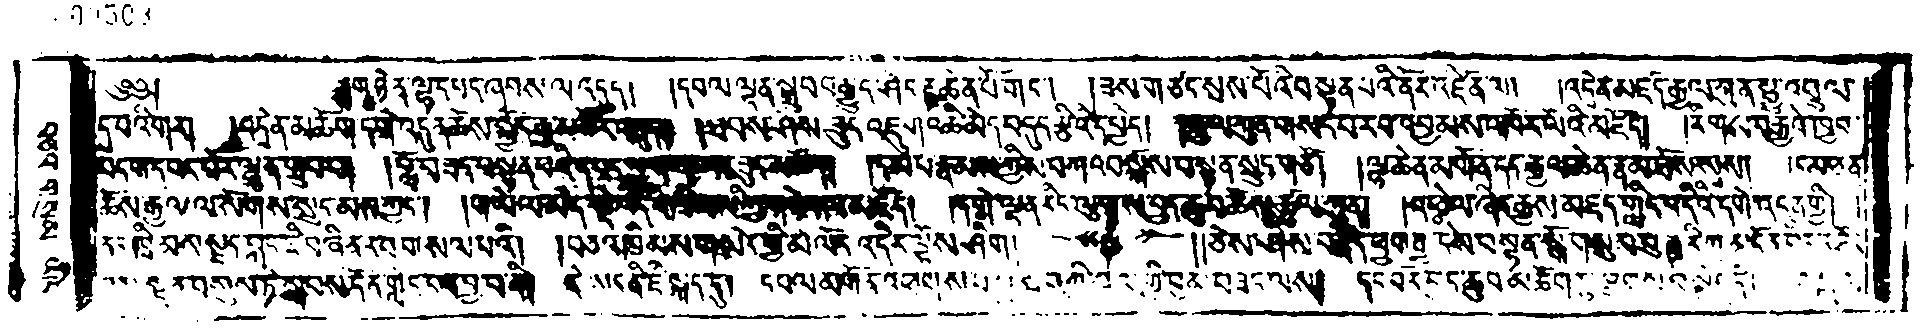༄༅། །གཉེར་ལྷ་དབང་ཞབས་ལ་འདུད། །དཔལ་ལྡན་སྒྲུབ་བརྒྱུད་ཤིང་རྟ་ཆེན་པོ་གང་། །ཟས་གཙང་སྲས་པོའི་བསྟན་པའི་ནོར་འཛིན་ལ། །འདྲེན་མཛད་རྒྱལ་ཀུན་སྒྱུ་འཕྲུལ་
དྲ་བའི་གར། །འདྲེན་མཆོག་དགེ་འདུན་ཆོས་སྐྱོང་རྒྱ་མཚོར་འདུད། །ཐབས་ཤེས་ཟུང་འཇུག་འཆི་མེད་བདུད་རྩིའི་དཔྱིད། །རྒྱལ་ཀུན་གསང་བ་རབ་འབྱམས་འཁོར་ལོའི་མཛོད། །རིགས་བརྒྱའི་ཁྱབ་
བདག་དབང་པོར་ལྷུན་གྲུབ་པ། །བློ་བཟང་བསྟན་པའི་དབང་ཕྱུག་ཞབས་ཟུང་མཆོད། །དམ་པ་རྣམས་ཀྱིས་བཀའ་བསྐོས་བསྟན་སྲུང་གཙོ། །ལྷ་ཆེན་མགོན་དང་རྒྱལ་ཆེན་རྣམ་ཐོས་སྲས། །དམ་ཅན་
ཆོས་རྒྱལ་ལ་སོགས་སྲུང་མས་ཀྱང་། །གཡེལ་མེད་སྡེ་འདིའི་ཁྲིམས་ཀྱི་གཉེར་ཁ་མཛོད། །དགེ྾་ལྡན་རིང་ལུགས་བྱང་ཆུབ་ཆོས་ཚུལ་ཀུན། །འཕེལ྾་ཞིང་རྒྱས་མཛད་གླིང་འདིའི་དགེ་འདུན་གྱི། །
ནང་ཁྲིམས་སྤང་བླང་ཇི་བཞིན་རབ་གསལ་བའི། །བཅའ་ཁྲིམས་གསེར་གྱི་མེ་ལོང་འདིར་ལྟོས་ཤིག ། ༈ །།ཅེས་ཤིས་བརྗོད་ཕྱག་བྱ་ངེས་བསྟན་སྒོ་གསུམ་པུཎྜ་རིཀ་མངོན་པར་འཐོར་
བས་སྡུན་བསུས་ཏེ་སྐབས་དོན་གླེང་བར་བྱ་བ་ནི། དེ་ཡང་ནི་ཇི་སྐད་དུ། དཔལ་མགོན་འཕགས་པ་ཀླུ་སྒྲུབ་ཀྱི་ཞལ་གྱི་བུམ་བཟང་ལས། དང་པོར་བྱང་ཆུབ་མཆོག་ཏུ་ཐུགས་བསྐྱེད་དེ། །བསྐལ་